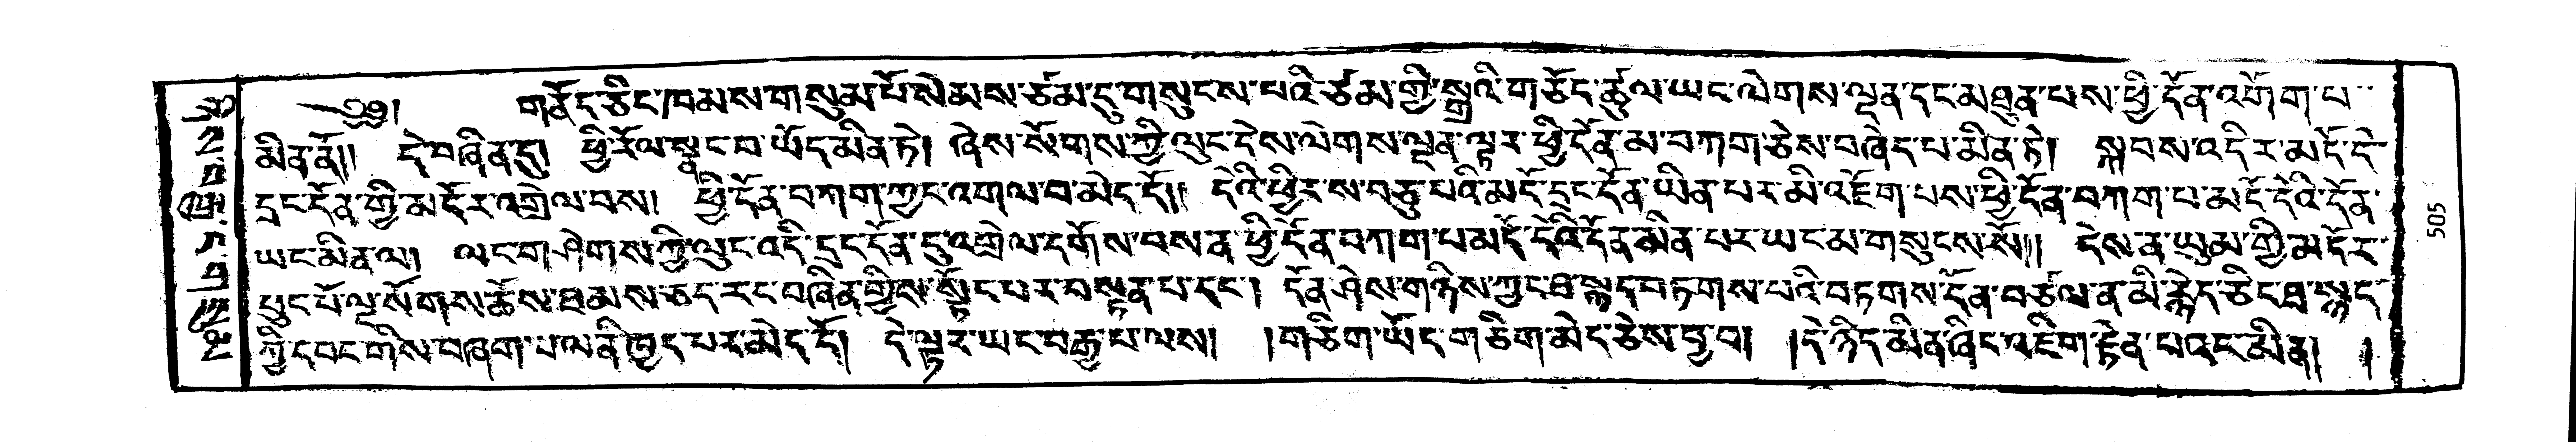༄༅། །གནོད་ཅིང་ཁམས་གསུམ་པོ་སེམས་ཙམ་དུ་གསུངས་པའི་ཙམ་གྱི་སྒྲའི་གཅོད་ཚུལ་ཡང་ལེགས་ལྡན་དང་མཐུན་པས་ཕྱི་དོན་འགོག་པ་
མིན་ནོ། །དེ་བཞིན་དུ། ཕྱི་རོལ་སྣང་བ་ཡོད་མིན་ཏེ། ཞེས་སོགས་ཀྱི་ལུང་དེས་ལེགས་ལྡན་ལྟར་ཕྱི་དོན་མ་བཀག་ཅེས་བཞེད་པ་མིན་ཏེ། སྐབས་འདིར་མདོ་དེ་
དྲང་དོན་གྱི་མདོར་འགྲེལ་བས། ཕྱི་དོན་བཀག་ཀྱང་འགལ་བ་མེད་དོ། །དེའི་ཕྱིར་ས་བཅུ་པའི་མདོ་དྲང་དོན་ཡིན་པར་མི་འཇོག་པས་ཕྱི་དོན་བཀག་པ་མདོ་དེའི་དོན་
ཡང་མིན་ལ། ལང་གཤེགས་ཀྱི་ལུང་འདི་དྲང་དོན་དུ་འགྲེལ་དགོས་པས་ན་ཕྱི་དོན་བཀག་པ་མདོ་དེའི་དོན་མིན་པར་ཡང་མ་གསུངས་སོ། །དེས་ན་ཡུམ་གྱི་མདོར་
ཕུང་པོ་ལྔ་སོགས་ཆོས་ཐམས་ཅད་རང་བཞིན་གྱིས་སྟོང་པར་བསྟན་པ་དང་། དོན་ཤེས་གཉིས་ཀྱང་ཐ་སྙད་བཏགས་པའི་བཏགས་དོན་བཙལ་ན་མི་རྙེད་ཅིང་ཐ་སྙད་
ཀྱི་དབང་གིས་བཞག་པ་ལ་ནི་ཁྱད་པར་མེད་དོ། དེ་ལྟར་ཡང་བརྒྱ་པ་ལས། གཅིག་ཡོད་གཅིག་མེད་ཅེས་བྱ་བ། །དེ་ཉིད་མིན་ཞིང་འཇིག་རྟེན་པའང་མིན། །